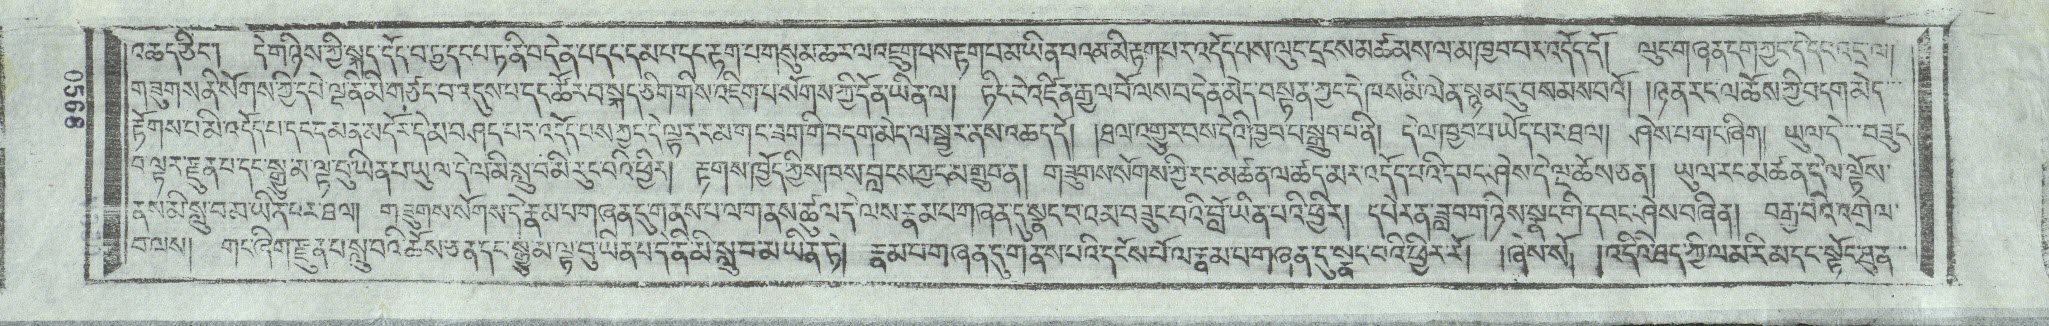འཆད་ཅིང་། དེ་གཉིས་ཀྱི་སྐད་དོད་པ་ཏྱ་དང་པ་ཏ་ནི་བདེན་པ་དང་དམ་པ་དང་རྟག་པ་གསུམ་ཆར་ལ་འཇུག་པས་རྟག་པ་མ་ཡིན་པའམ་མི་རྟག་པར་འདོད་པས་ལུང་དྲངས་མཚམས་ལ་མ་ཁྱབ་པར་འདོད་དོ། ལུང་གཞན་དག་ཀྱང་དེ་དང་འདྲ་ལ།
གཟུགས་ནི་སོགས་ཀྱི་དཔེ་ལྔ་ནི་མི་གཙང་བ་འདུས་པ་དང་ཚོར་བ་སྐད་ཅིག་གིས་འཇིག་པ་སོགས་ཀྱི་དོན་ཡིན་ལ། ཏིང་ངེ་འཛིན་རྒྱལ་པོ་ལས་བདེན་མེད་བསྟན་ཀྱང་དེ་ཁས་མི་ལེན་སྙམ་དུ་བསམས་པའོ། །ཉན་རང་ལ་ཆོས་ཀྱི་བདག་མེད་
རྟོགས་པ་མི་འདོད་པ་དང་དམན་མདོར་དེ་མ་བཤད་པར་འདོད་པས་ཀྱང་དེ་ལྟར་རམ་གང་ཟག་གི་བདག་མེད་ལ་སྦྱར་ནས་འཆད་དོ། །ཐལ་འགྱུར་བས་དེའི་ཁྱབ་པ་སྒྲུབ་པ་ནི། དེ་ལ་ཁྱབ་པ་ཡོད་པར་ཐལ། ཤེས་པ་གང་ཞིག་ཡུལ་དེ་བཟུང་
བ་ལྟར་རྫུན་པ་དང་སྒྱུ་མ་ལྟ་བུ་ཡིན་པ་ཡུལ་དེ་ལ་མི་སླུ་བ་མི་རུང་བའི་ཕྱིར། རྟགས་ཁྱོད་ཀྱིས་ཁས་བླངས་ཀྱང་མ་གྲུབ་ན། གཟུགས་སོགས་ཀྱི་རང་མཚན་ལ་ཚད་མར་འདོད་པའི་དབང་ཤེས་དེ་ལྔ་ཆོས་ཅན། ཡུལ་རང་མཚན་དེ་ལ་ལྟོས་
ནས་མི་སླུ་བ་མ་ཡིན་པར་ཐལ། གཟུགས་སོགས་དེ་རྣམ་པ་གཞན་དུ་གནས་པ་ལ་གནས་ཚུལ་དེ་ལས་རྣམ་པ་གཞན་དུ་སྣང་བ་འམ་བཟུང་བའི་བློ་ཡིན་པའི་ཕྱིར། དཔེར་ན་ཟླ་བ་གཉིས་སྣང་གི་དབང་ཤེས་བཞིན། བརྒྱ་བའི་འགྲེལ་
བ་ལས། གང་ཞིག་རྫུན་པ་སླུ་བའི་ཆོས་ཅན་དང་སྒྱུ་མ་ལྟ་བུ་ཡིན་པ་དེ་ནི་མི་སླུ་བ་མ་ཡིན་ཏེ། རྣམ་པ་གཞན་དུ་གནས་པའི་དངོས་པོ་ལ་རྣམ་པ་གཞན་དུ་སྣང་བའི་ཕྱིར་རོ། །ཞེས་སོ། །འདིའི་ཐད་ཀྱི་ལམ་རིམ་དང་སྟོང་ཐུན་